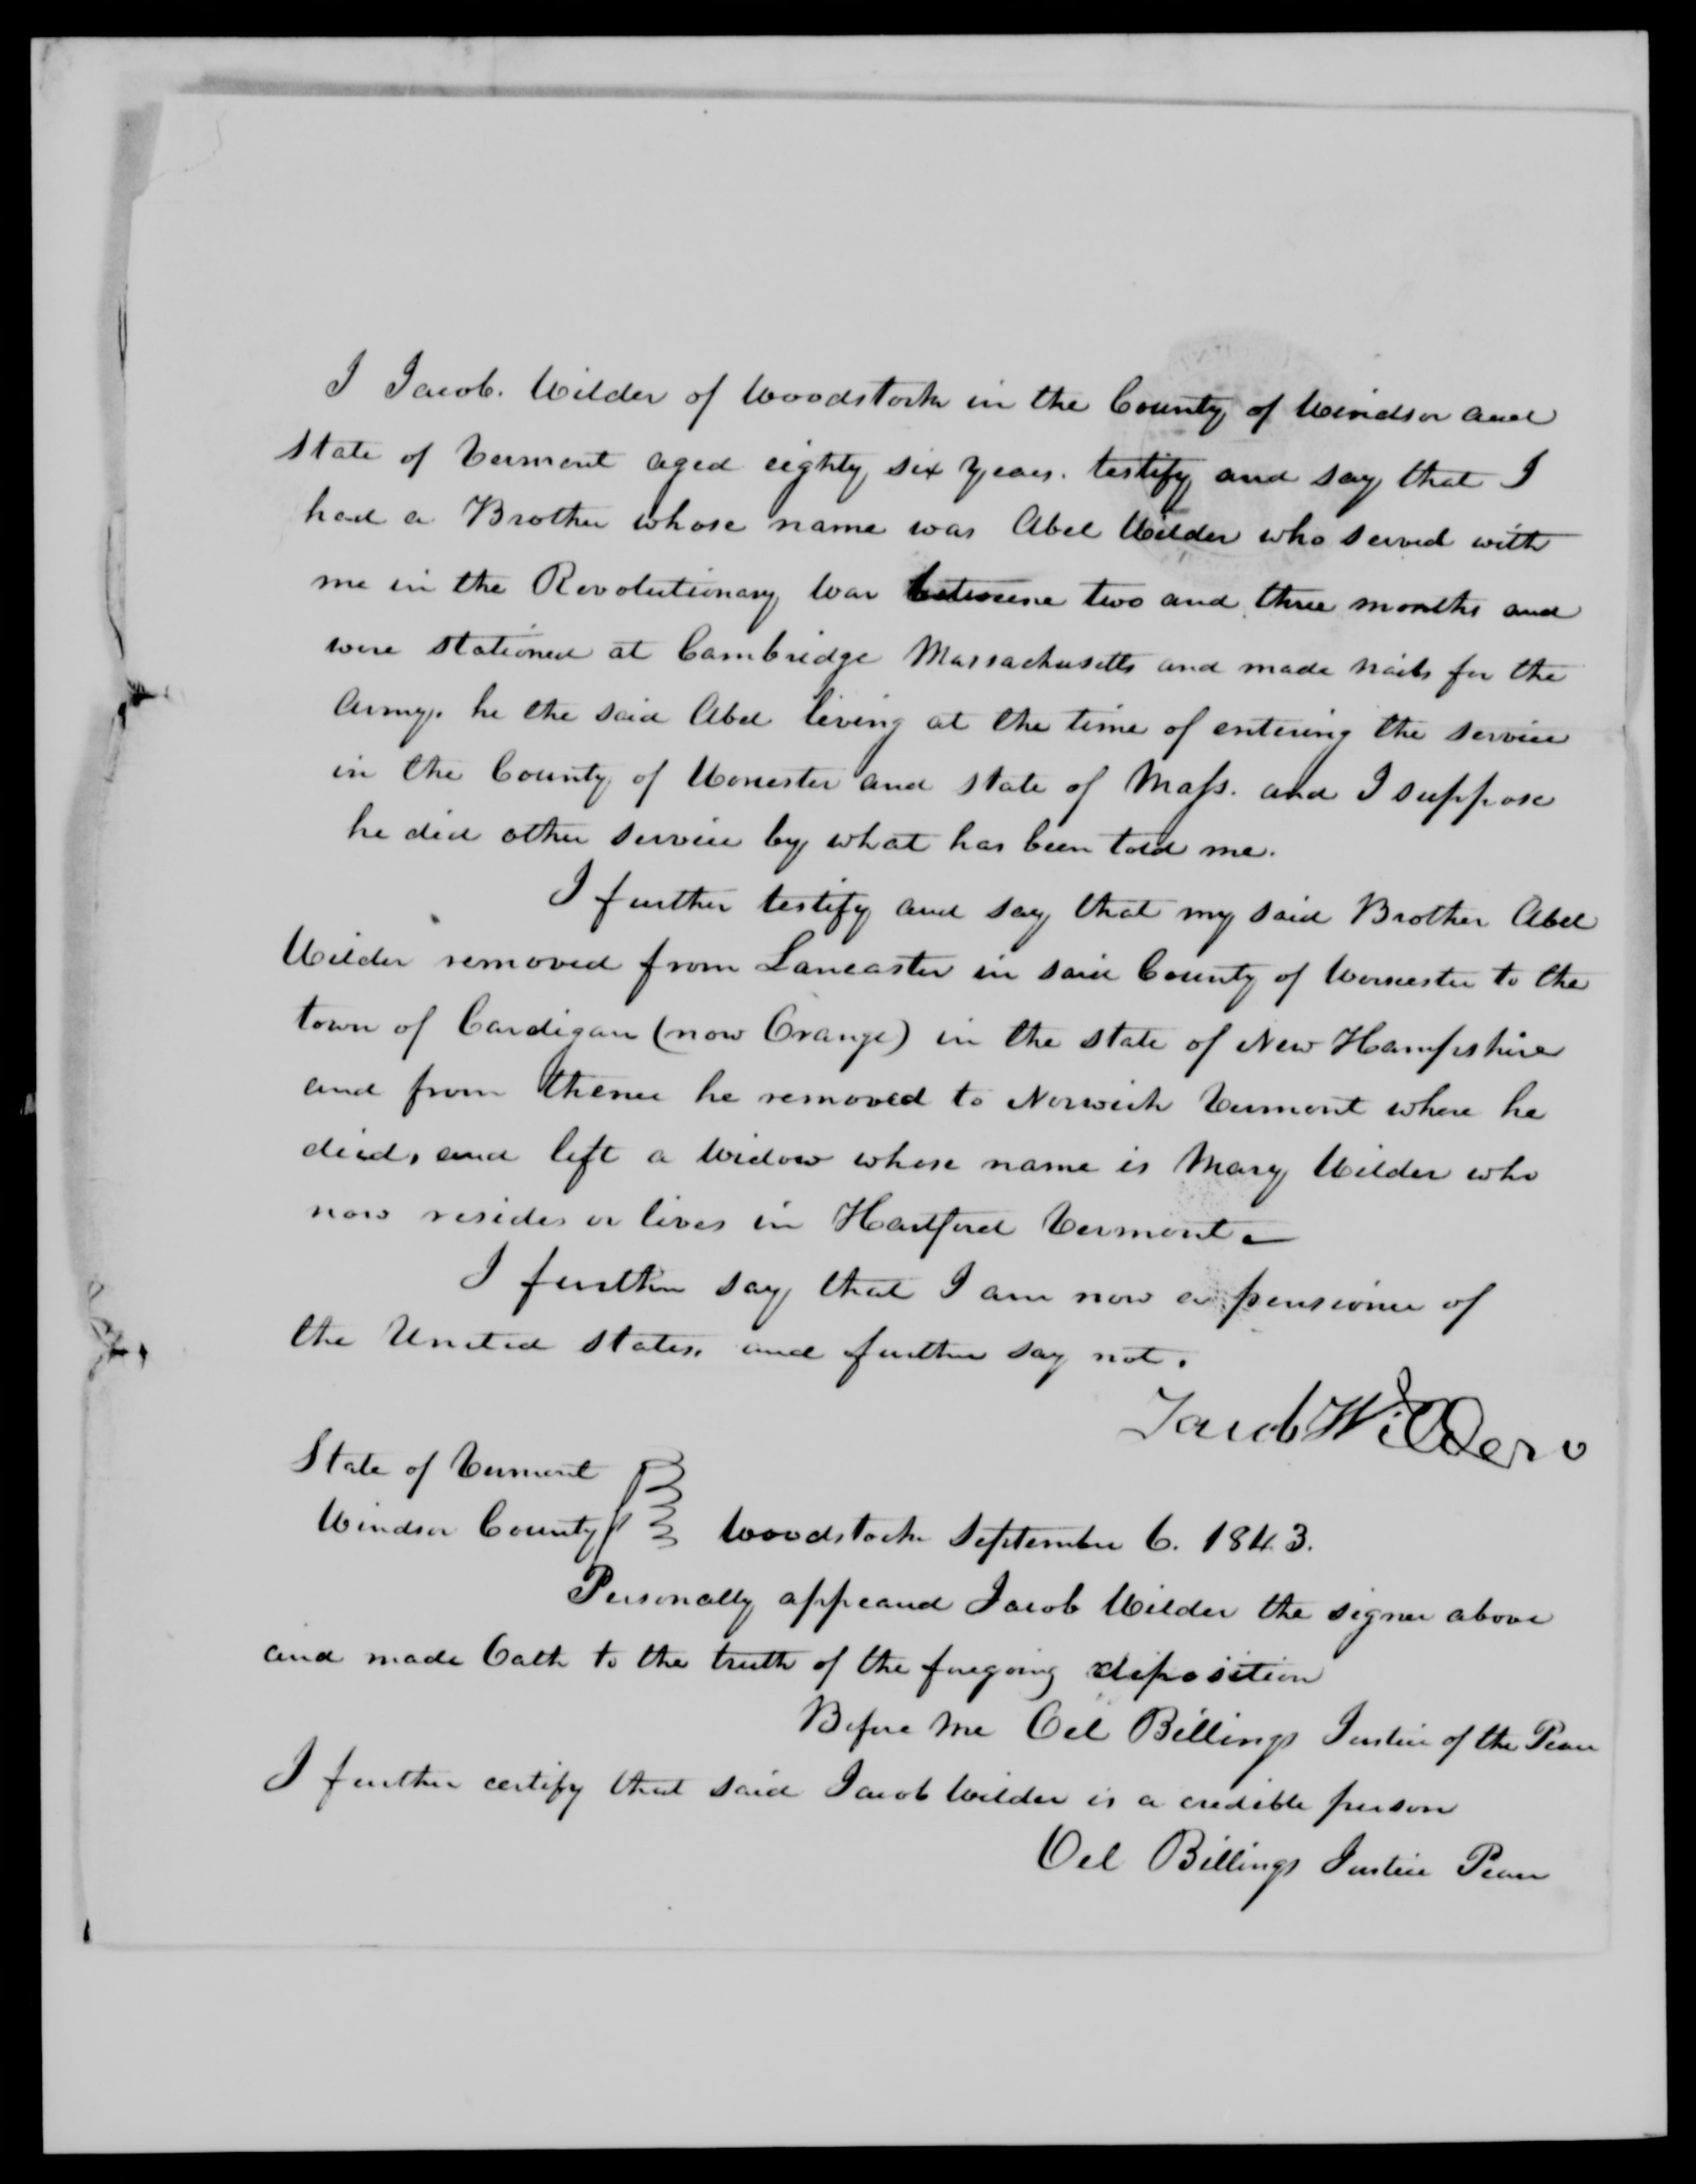I  Jacob Wilder of Woodstock in the County of Windsor and State of Vermont aged eighty six years.  testify and say that I had a Brother whose name was Abel Wilder who served with
me in the Revolutionary War between two and three months and were stationed at Cambridge Massachusetts and made nails for the Army, he the said Abel living at the time of entering the service in the County of Worcester and State of Mass.  and I suppose
he did other service by what has been told me.
I further testify and say that my said Brother Abel Wilder removed from Lancaster in said County of Worcester to the town of Cardigan (now Crange) in the State of New Hampshire
and from thence he removed to Norwich Vermont where he died, and left a widow whose name is Mary Wilder who now resides or lives in Hartford Vermont.  I further say that I am now a pensioner of
the United States, and further say not.
Jacob Wilder

State of Vermont
Windsor County ss ⎬ Woodstock September 6. 1843
Personally appeared Jacob Wilder the signer above and made oath to the truth of the foregoing deposition
Before me Oel Billings Justice of the Peace
I further certify that said Jacob Wilder is a credible person
Oel Billings Justice Peace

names: Oel Billings, Jacob Wilder, Mary Wilder, Abel Wilder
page: 3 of 40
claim: widow's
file: W. 18,426, Abel Wilder, Mass. N.H. Vt.